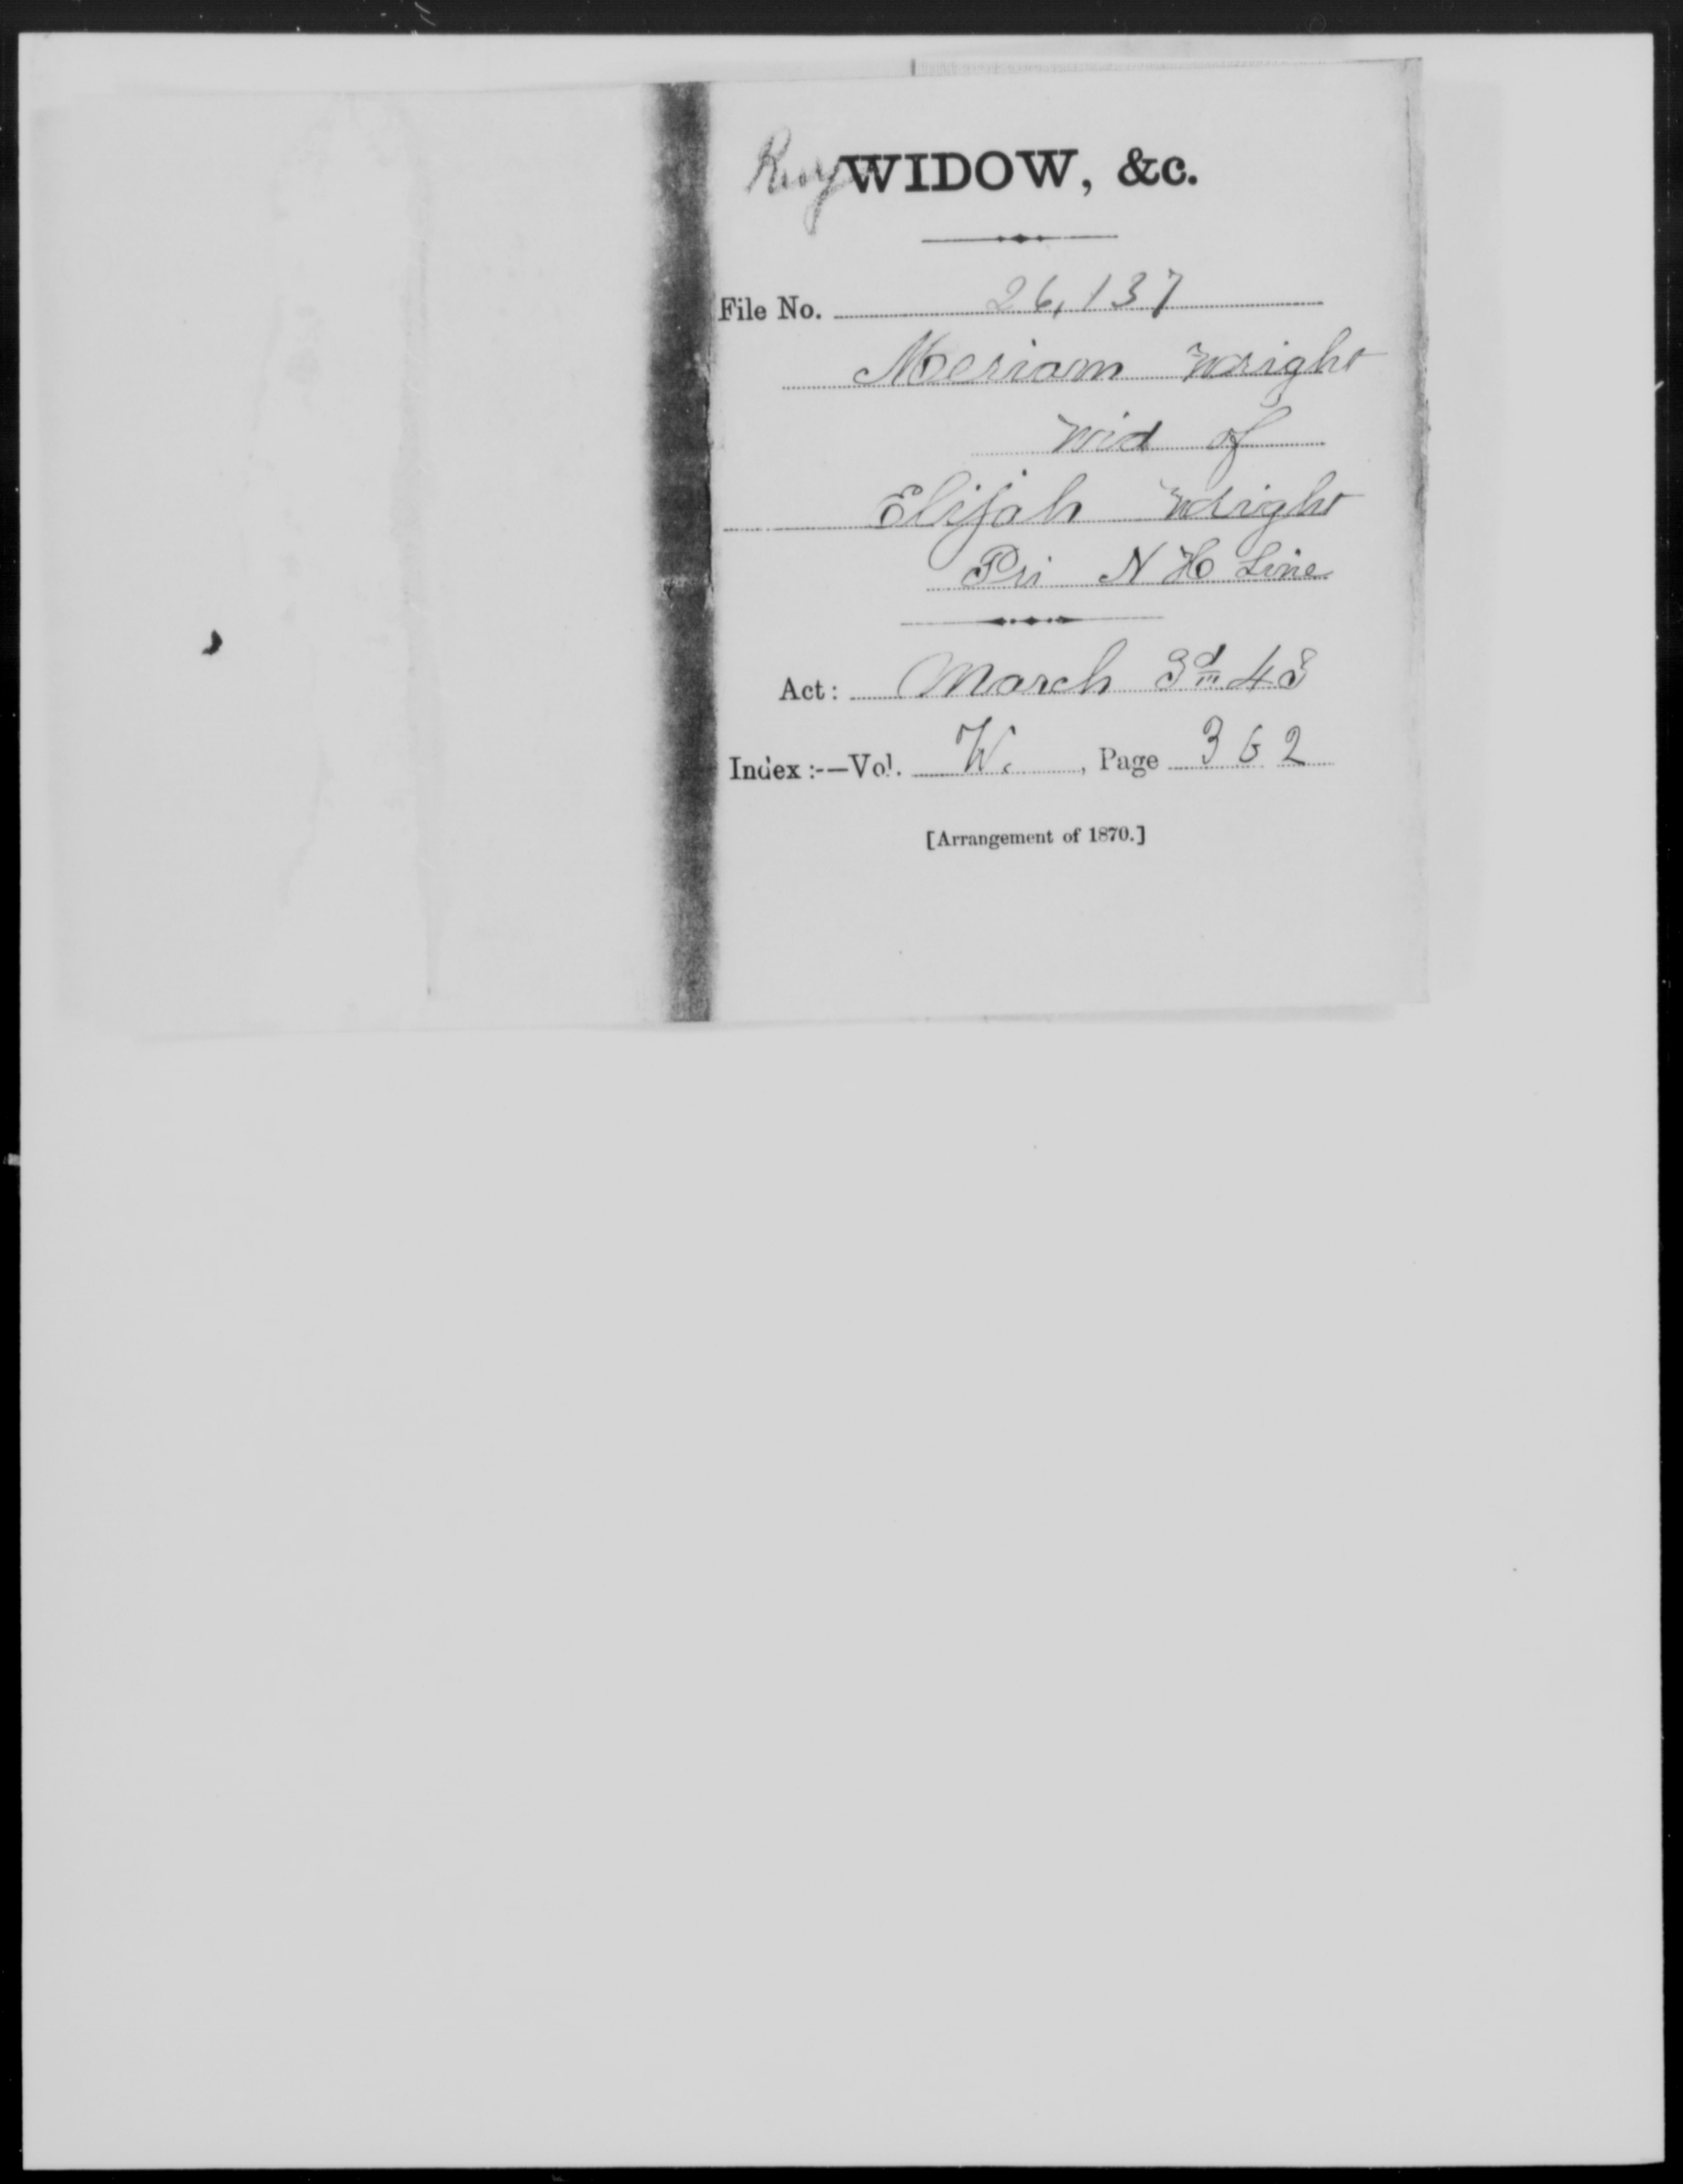[Unintelligible] WIDOW, &c.
File No. 26,137
Meriam Wright
wife of
Elijah Wright
Pri N H Line
Act: March 3rd 48
Index:--Vol: W, Page 362
[Arrangement of 1870.]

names: Elijah Wright, Meriam Wright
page: 17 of 26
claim: widow's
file: W. 26,137, Elijah Wright, N.H.